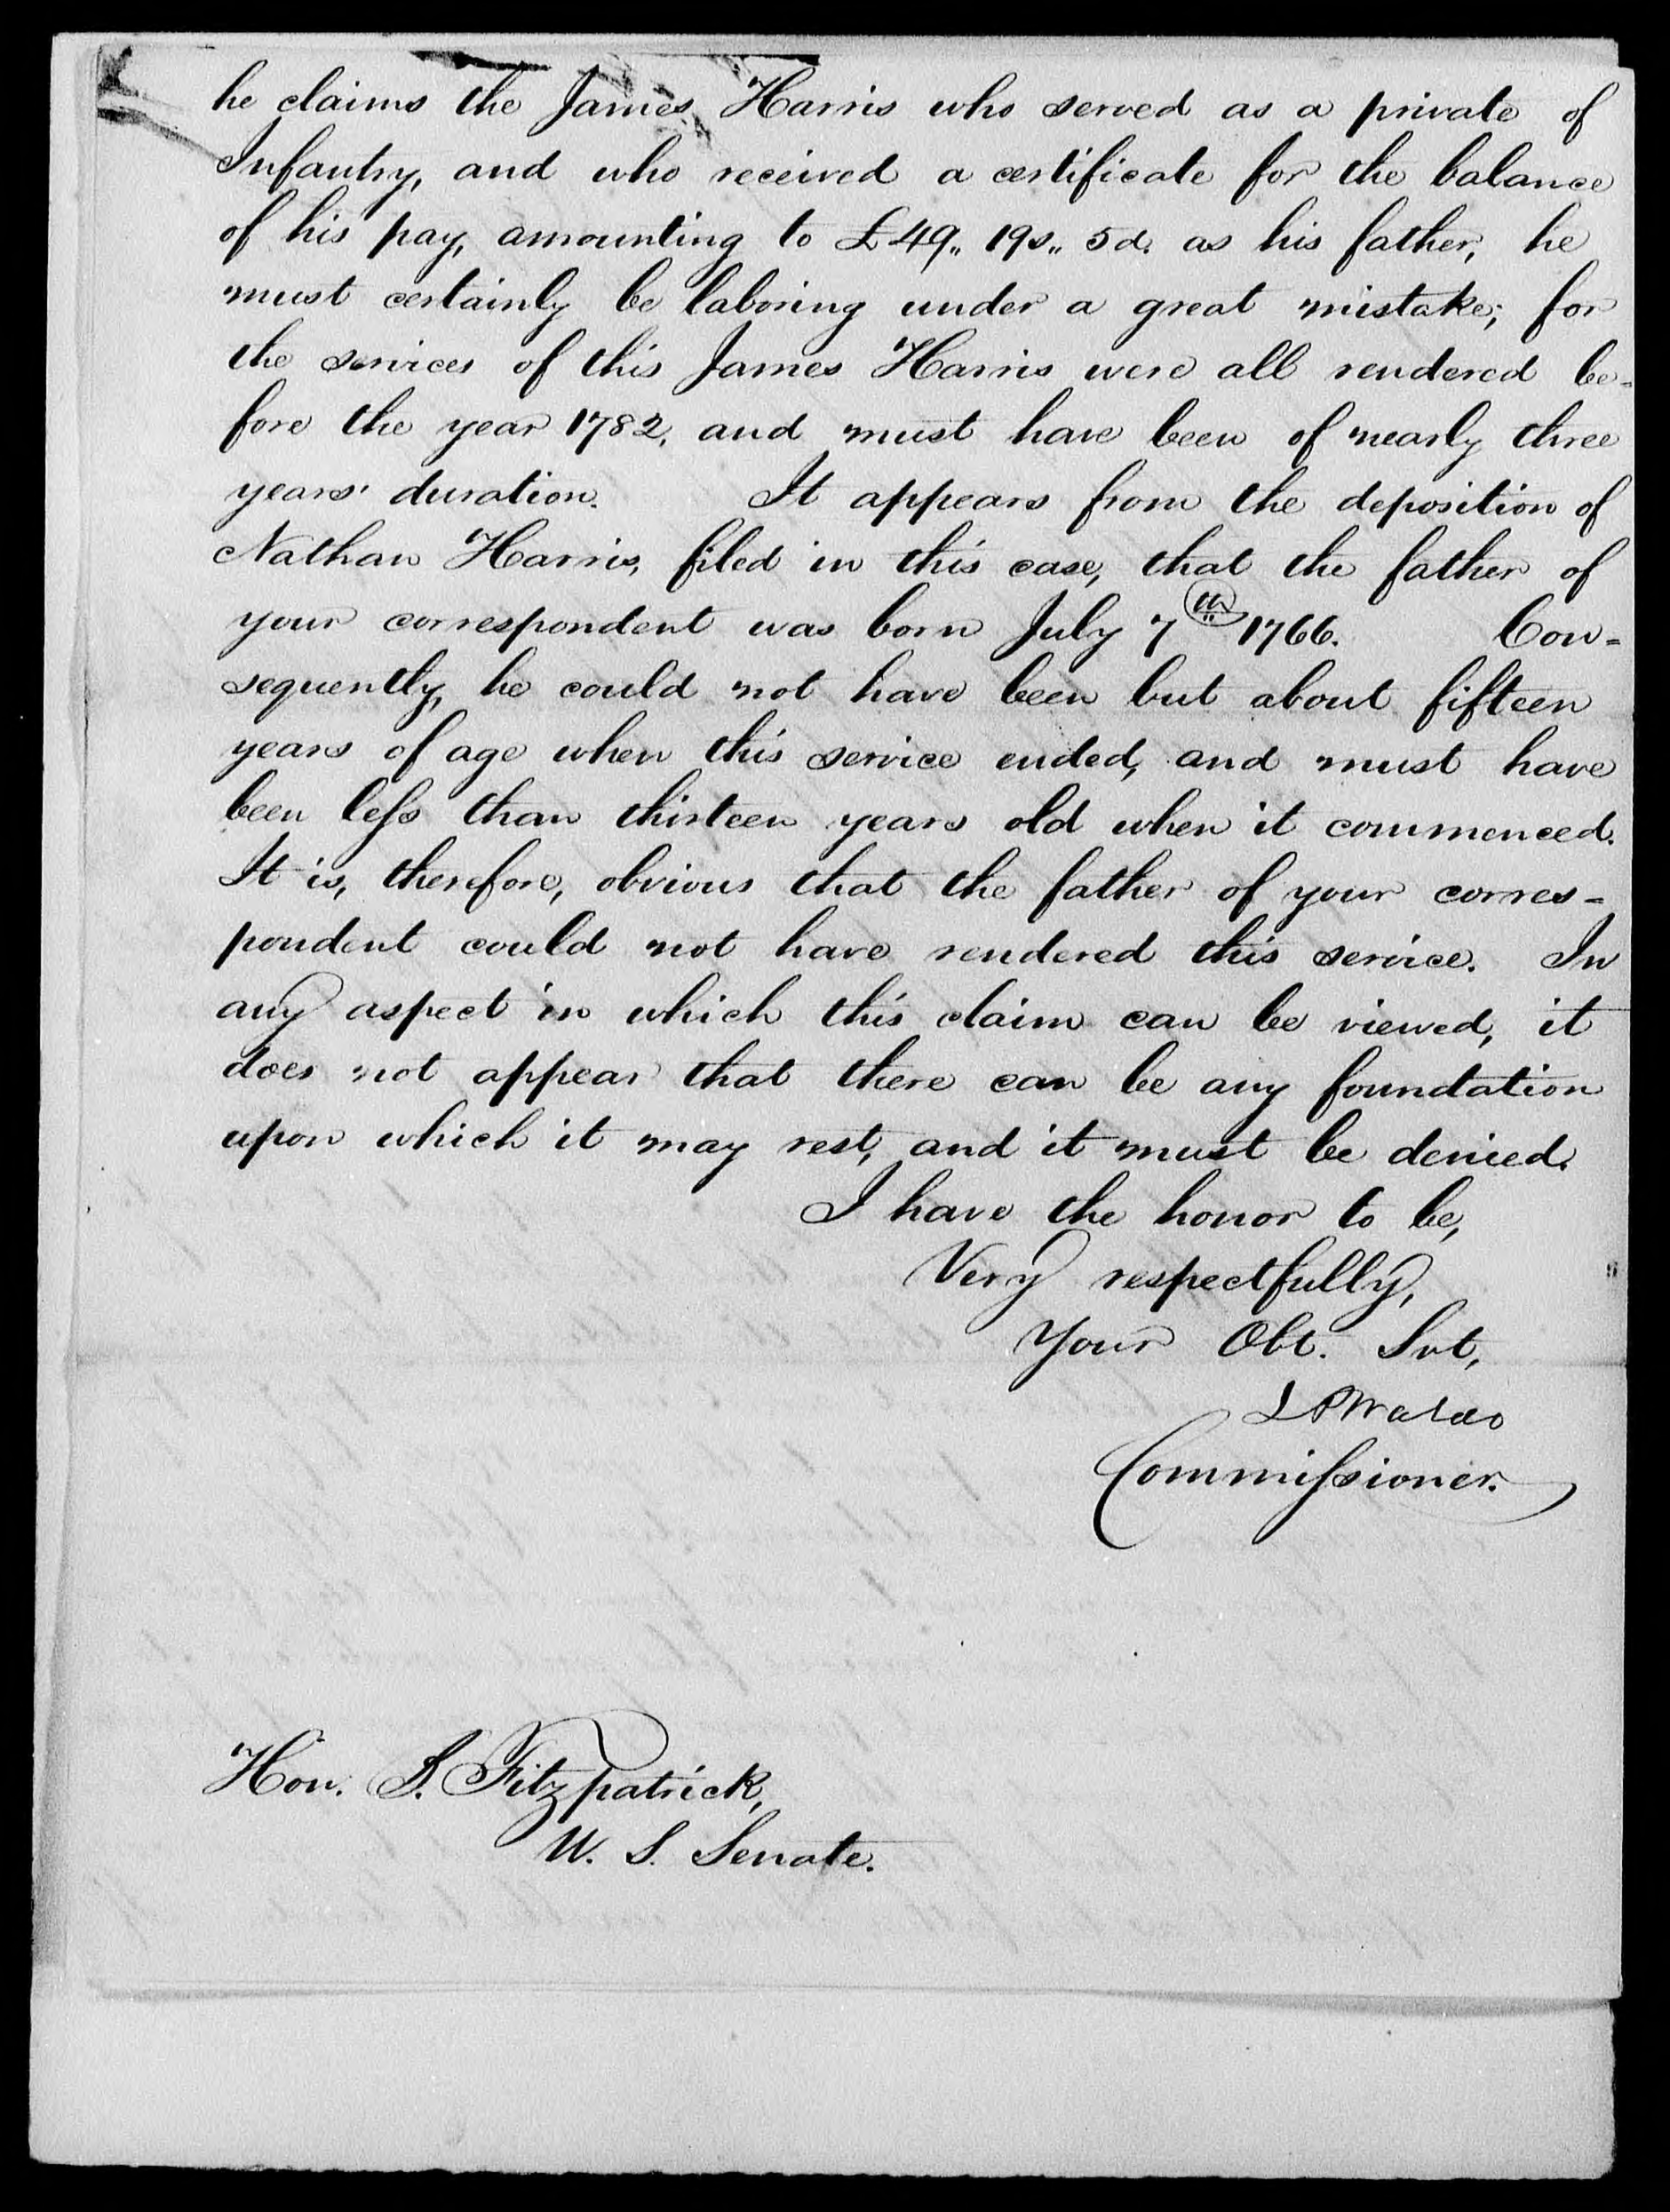he claims the James Harris who served as a private of Infantry, and who received a certificate for the balance of his pay, amounting to [pound sterling]49.19s.5d. as his father, he must certainly be laboring under a great mistake, for the services of this James Harris were all rendered before the year 1782, and must have been of nearly three years duration.  It appears from the deposition of Nathan Harris, filed in this case, that the father of your correspondent was born July 7th 1766.  Consequently, he could not have been but about fifteen years of age when this service ended, and must have been less than thirteen years old when it commenced.  It is, therefore, obvious that the father of your correspondent could not have rendered this service.  In any aspect in which this claim can be viewed, it does not appear that there can be any foundation upon which it may rest, and it must be denied.
I have the honor to be,
Very respectfully,
Your Obt. Svt,
L. P Waldo
Commissioner.

Hon. R. Fitzpatrick,
U. S. Senate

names: Nathan Harris, L P Waldo, B Fitzpatrick, James Harris, James Harris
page: 121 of 160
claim: rejected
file: R. 4666, James Harris, Va.